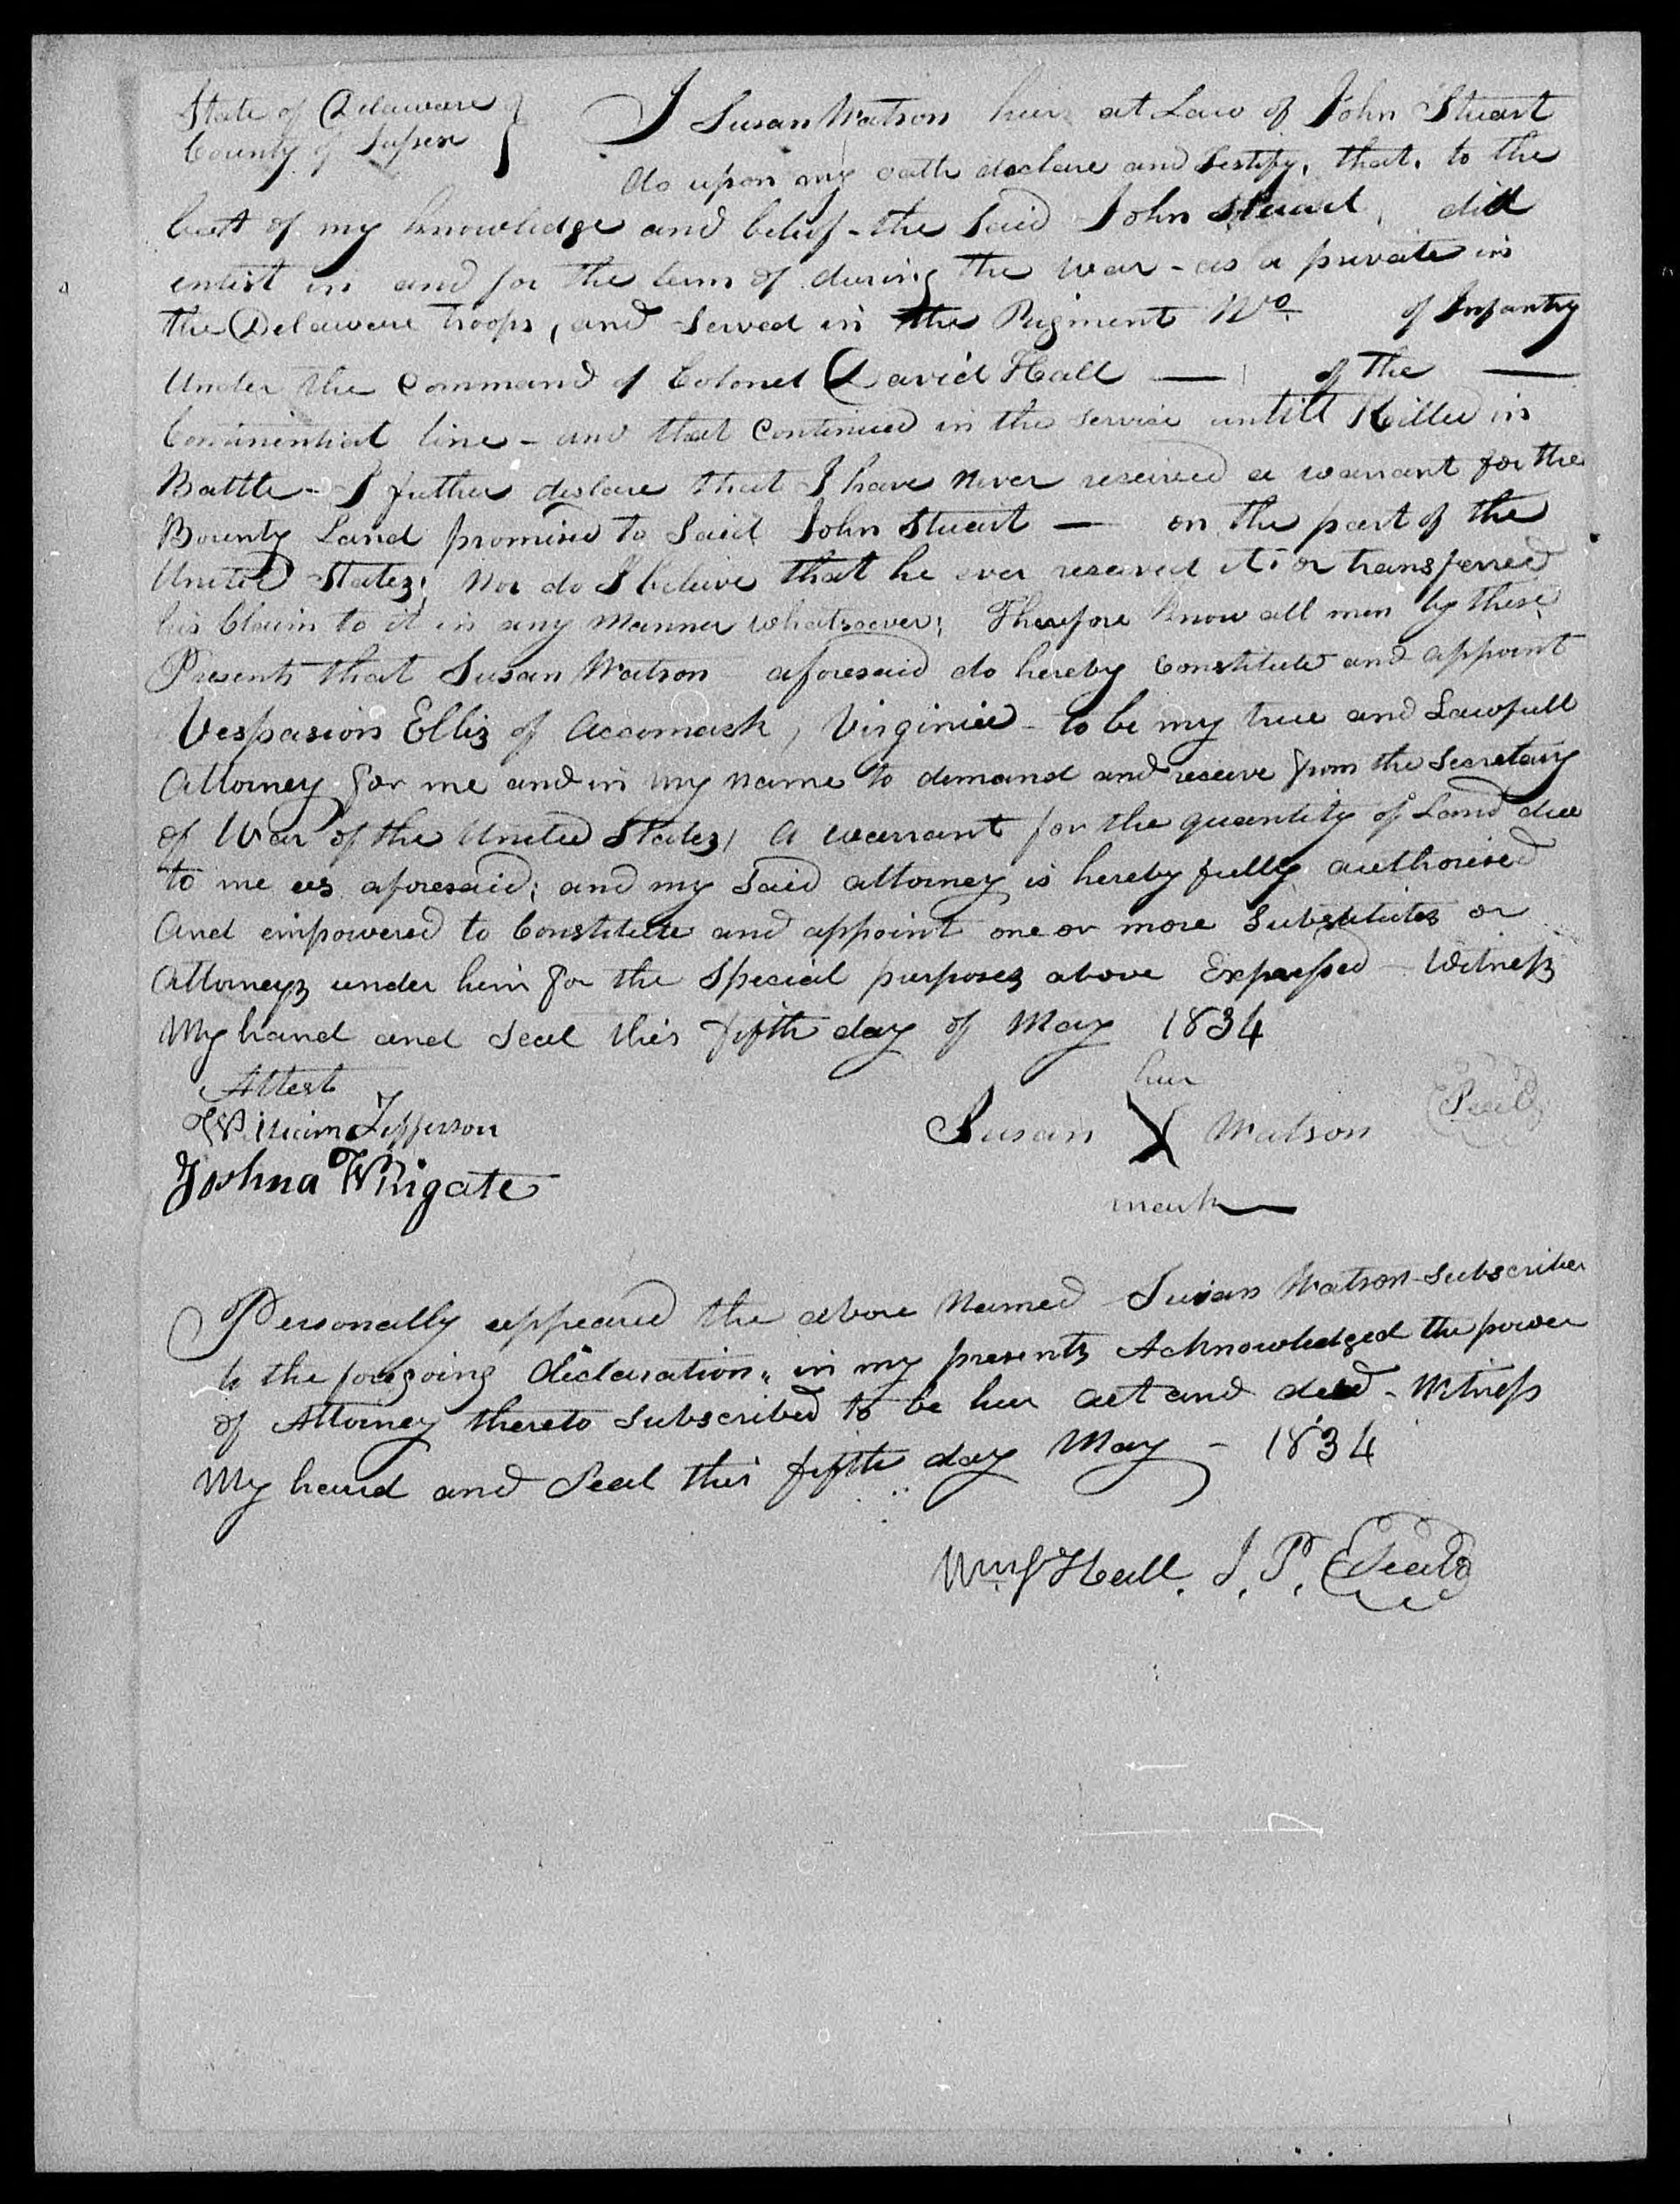State of Delaware
County of Sussex

I Susan Watson heir at Law of John Stuart do upon my oath declare and testify, that, to the best of my knowledge and belief the said John Stuart did enlist in and for the term of during the war - as a private in the Delaware troops, and served in the Regiment No [blank] of Infantry Under the command of Colonel David Hall -- [blank] of the -- Continential line - and that continued in the service untill Killed in Battle - I further declare that I have never received a warrant for the Bounty Land promised to said John Stuart -- on the part of the United States; nor do I believe that he ever received it or transferred his claim to it in any manner whatsoever: Therefore know all men by these Presents that Susan Watson aforesaid do hereby constitute and appoint Vespasion Ellis of Accomack, Virginia to be my true and Lawfull Attorney for me and in my name to demand and receive from the Secretary of War of the United States, a warrant for the quantity of land due to me as aforesaid; and my said attorney is hereby fully authorised and empowered to constitute and appoint one or more substitutes or attorneys under him for the special purposes above Expressed -- Witness My hand and seal this fifth day of May 1834
Attest
William Jefferson
Joshua Wingate

Susan Watson
her X mark
seal [surrounded by a squiggly circle]

Personally appeared the above named Susan Watson subscriber to the foregoing declaration, in my presents acknowledged the power of Attorney thereto subscribed to be her act and deed. Witness my hand and seal this fifth day May - 1834

Wm. S Hall J. P. seal [surrounded by a squiggle circle]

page: 6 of 9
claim: bounty land warrant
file: B. L. Wt. 2081-100, for John Stuart, Delaware